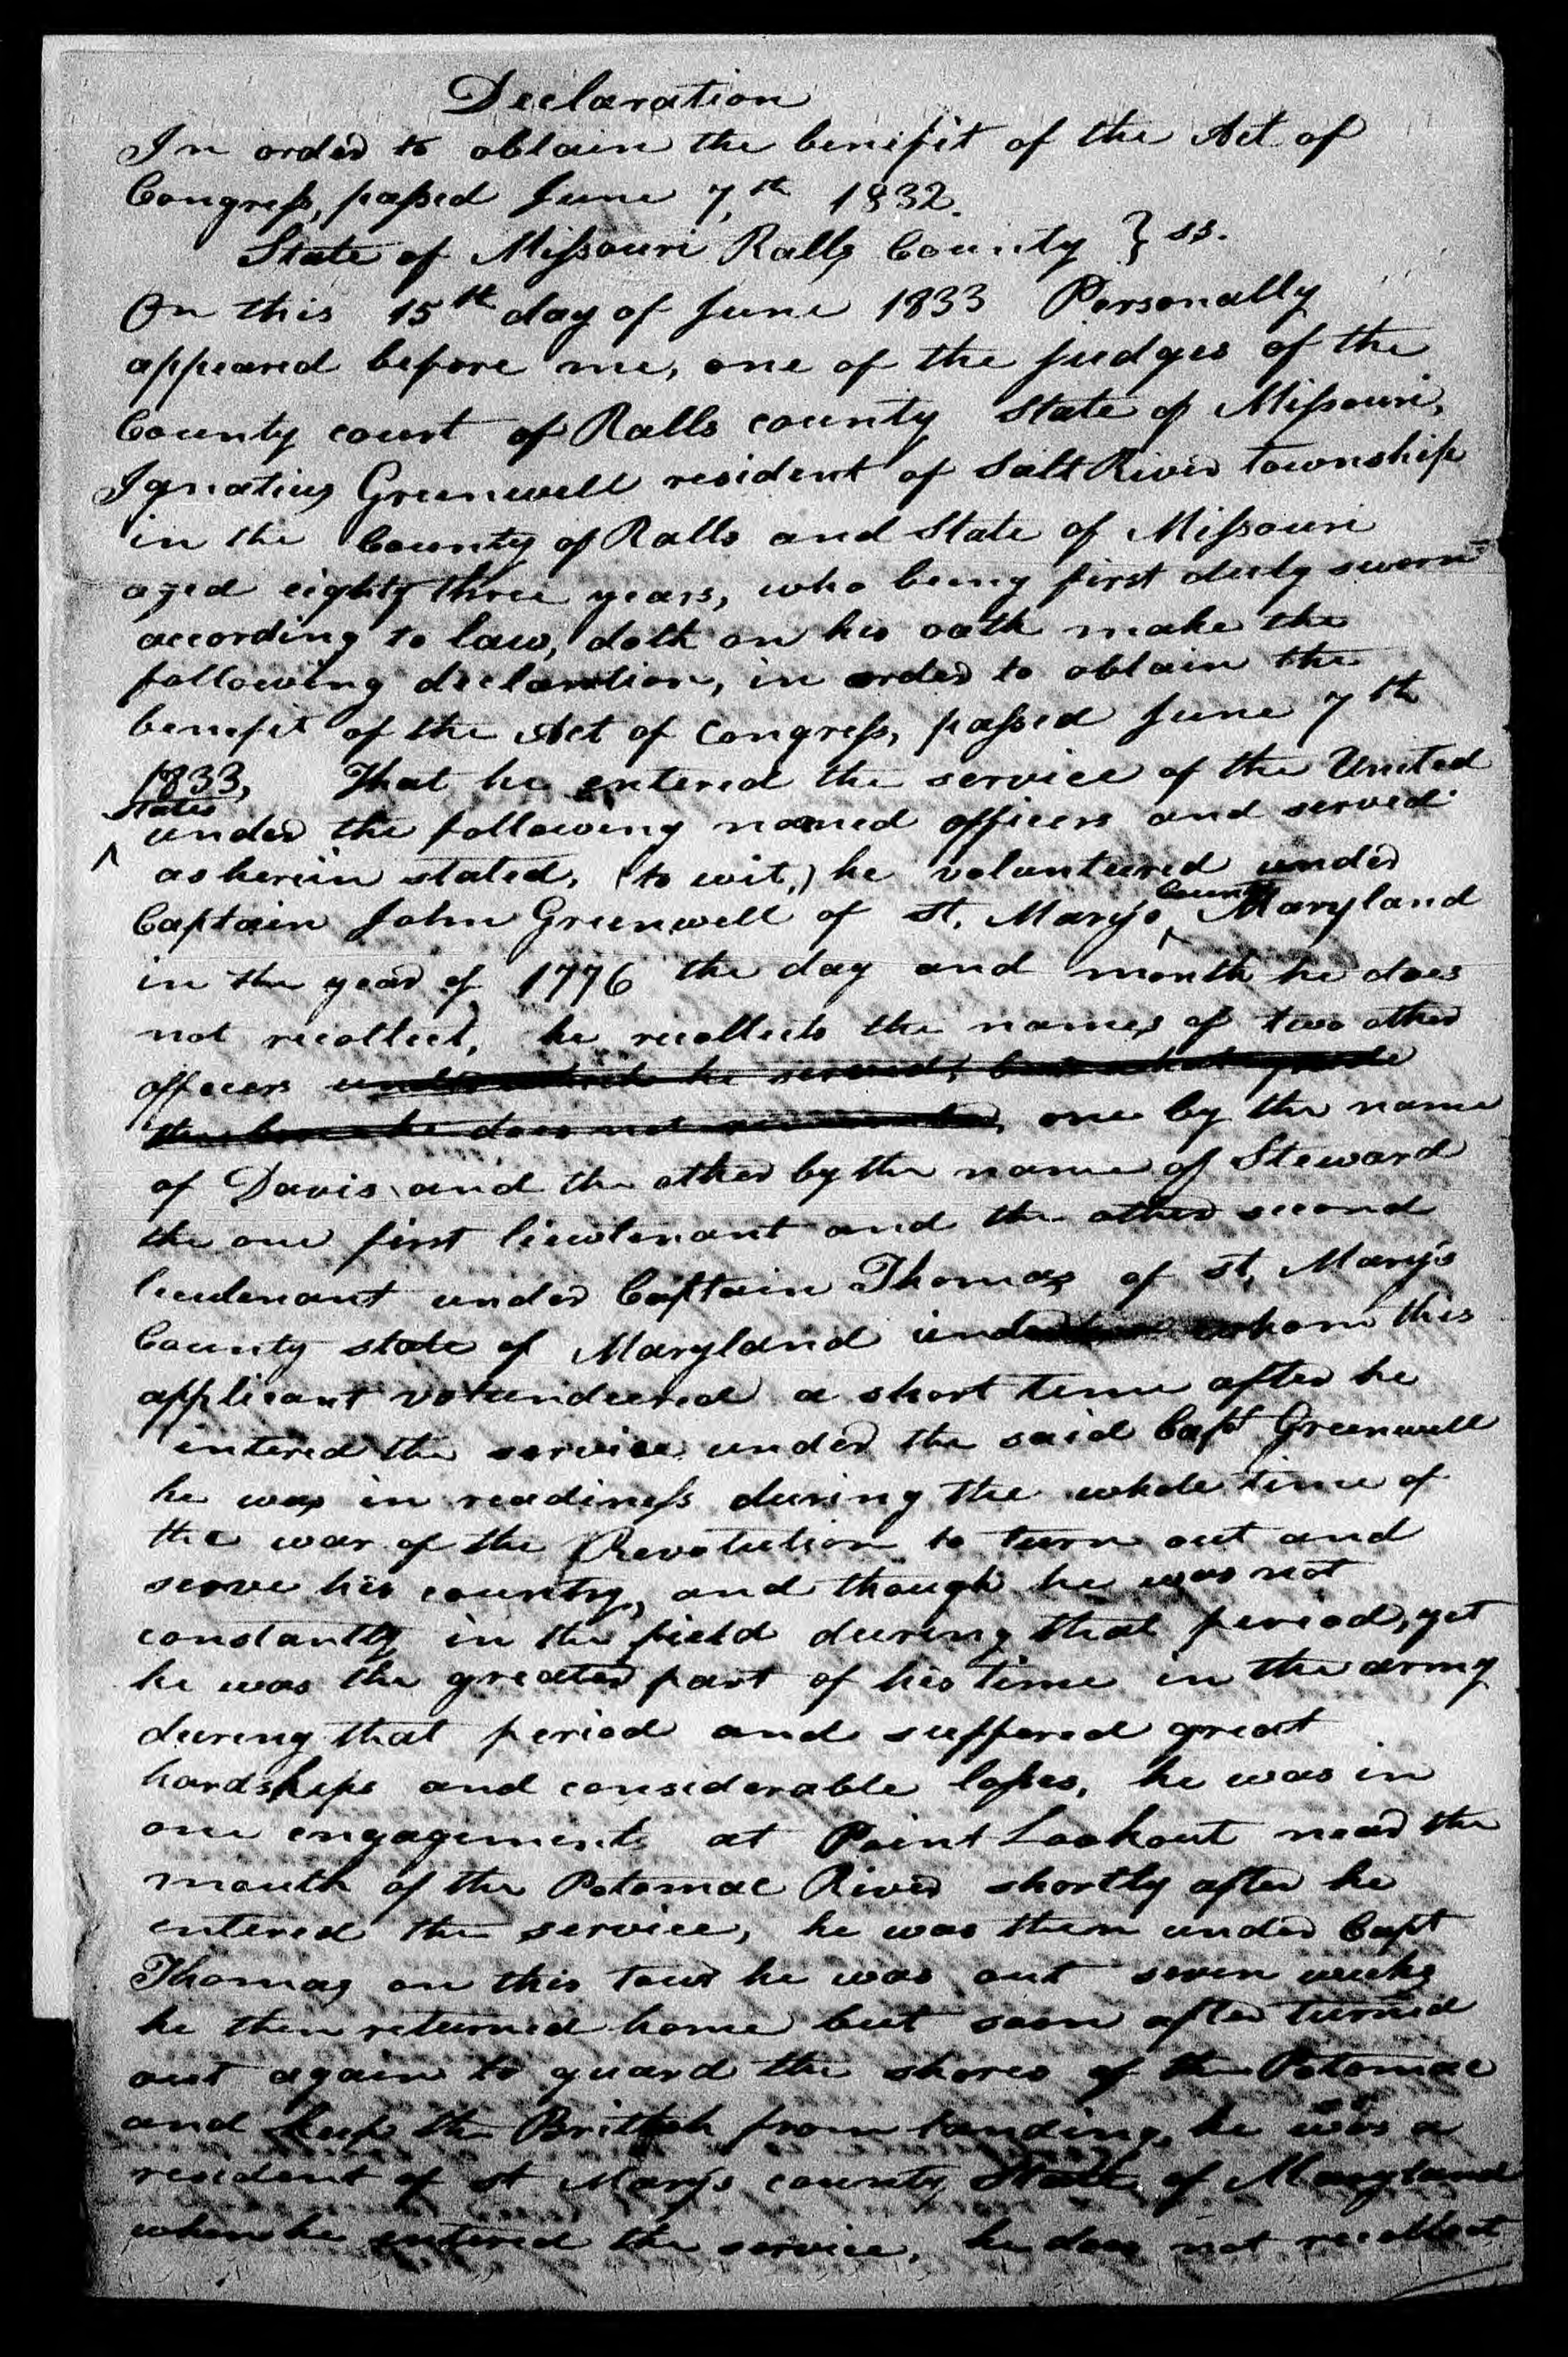Declaration
In order to obtain the benefit of the Act of Congress passed June 7th 1832

State of Missouri, Ralls County
On this 15th day of June 1833 personally appeared before me one of the judges of the county court of Ralls County state of Missouri Ignatius Greenwell resident of Salt River township in the county of Ralls and State of Missouri aged eighty-three years who being first duly sworn according to law doth on his oath make the following declaration in order to obtain the benefit of the Act of Congress passed June 7th 1833. That he entered the service of the United States under the following named officers and served as herein stated to wit. He volunteered under Captain John Greenwell of St. Mary's County Maryland in the year 1776 the day and month he does not recollect. He recalled the names of the other officers one by the name of Davis and the other by the name of Steward the one first Lieutenant and the other second lieutenant under Captain Thomas of St. Mary's county state of Maryand in [illegible] this applicant volunteered a short time after he entered the service under the said Capt. Greenwell he was in readiness during the whole time of the war of the Revolution to turn out and serve his county and that he was not constantly in the field during that period yet he was the greater part of his time in the army during that period and suffered great hardships and considerable losses he was in one engagement at Point Lookout near the mouth of the Potomac River shortly after he entered the service, he was then under Capt. Thomas on this tour he was out seven weeks he then returned home but soon after turned out again to guard the shores of the Potomac and keep the British from landing he was a resident of St Mary's county state of Maryland where he entered the service. He does not recollect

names: Steward, John Greenwell, Thomas, Davis, Thomas, Ignatius Greenwell, Greenwell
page: 3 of 19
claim: survivor's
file: S. 16836, Ignatus Greenwell, Md.